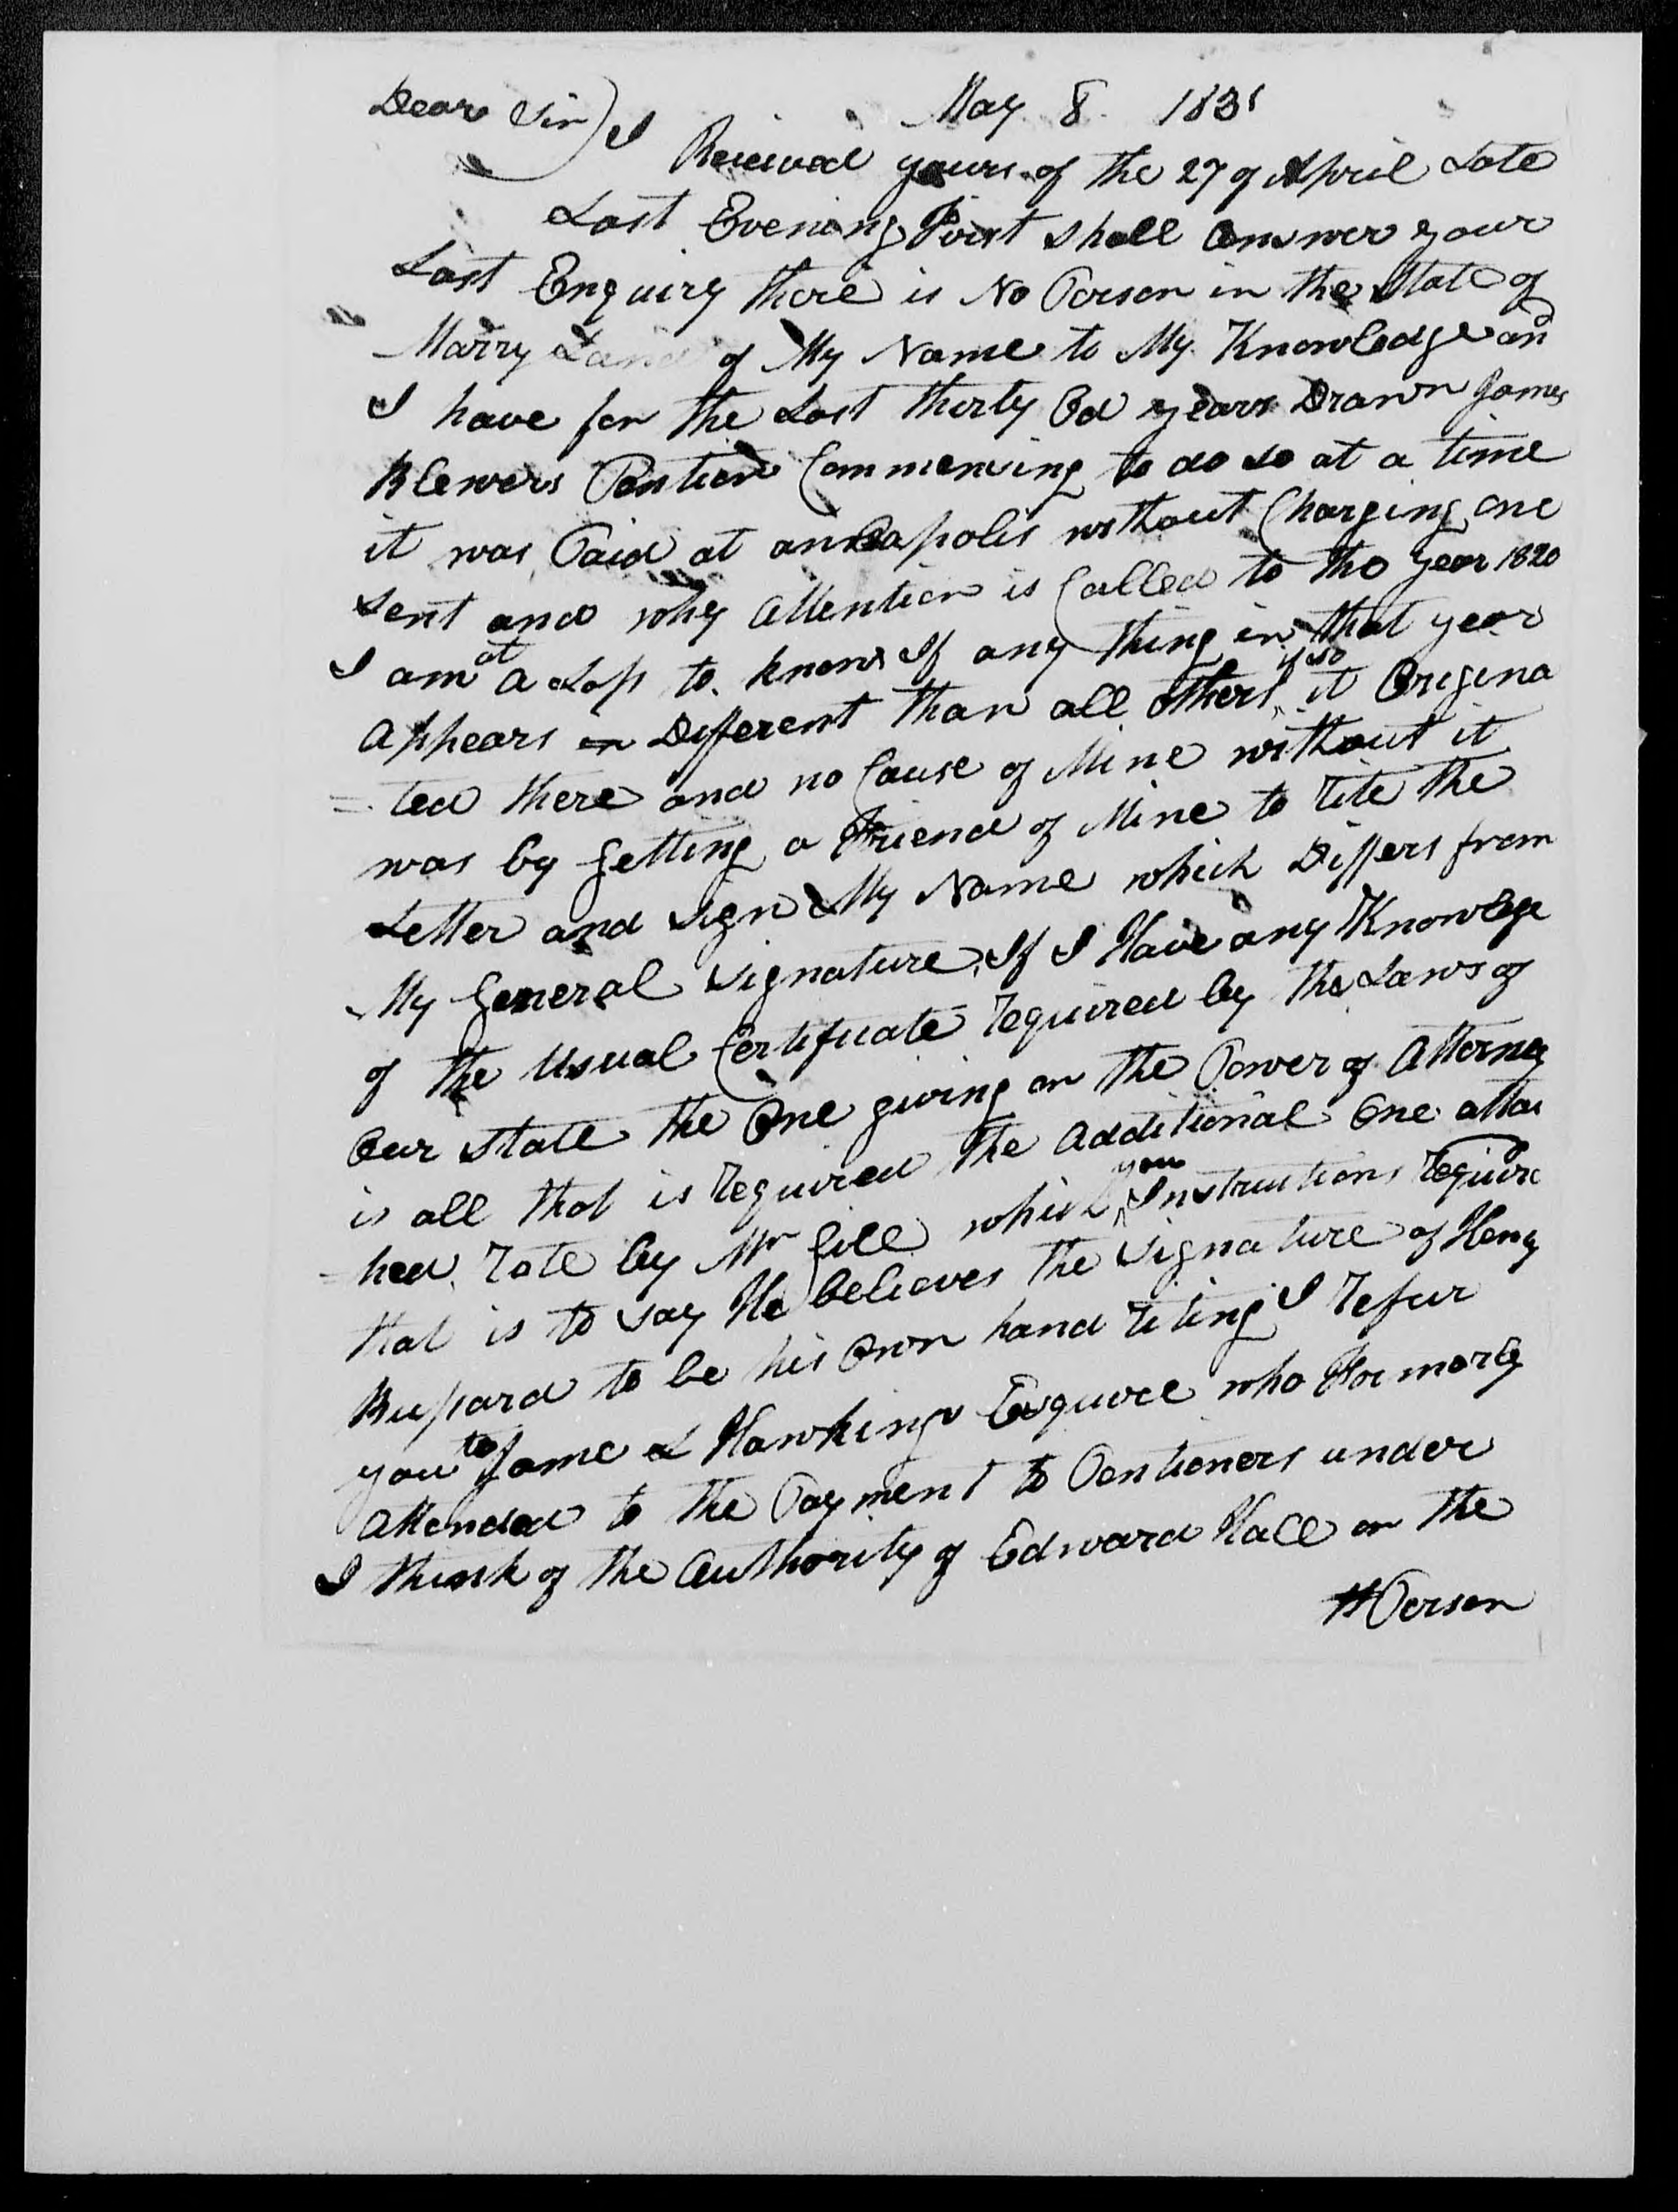May 8, 1831

Dear Sir

I received yours of the 27 of April late last evening first shall answer your last inquiry there is no person in the state of Maryland of my name to my knowledge and I have for the last thirty odd years drawn James Blewer's pension commencing to do so at a time it was paid at Annapolis without charging one cent and why attention is called to the year 1820 I am at a loss to know. If anything in that year appears different than all other years it originated there and no cause of mine without it was by letting a friend of mine to take the letter and sign my name which differs from my general signature. If I have any knowledge of the usual certificate required by the laws of our state, the one giving on the power of attorney is all that is required. The additional one [illegible] rate by Mr. Gill which your instructions required that is to say he believes the signature of Henry Bussard to be his own handwriting. I refer you to James Hawkings esquire who formerly attended to the payment to pensioner under I think of the authority of Edward Hall on the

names: James Blewer, Edward Hall, Gill, James L Hawkings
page: 22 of 30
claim: survivor's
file: S. 10093, James Blewer, Md.